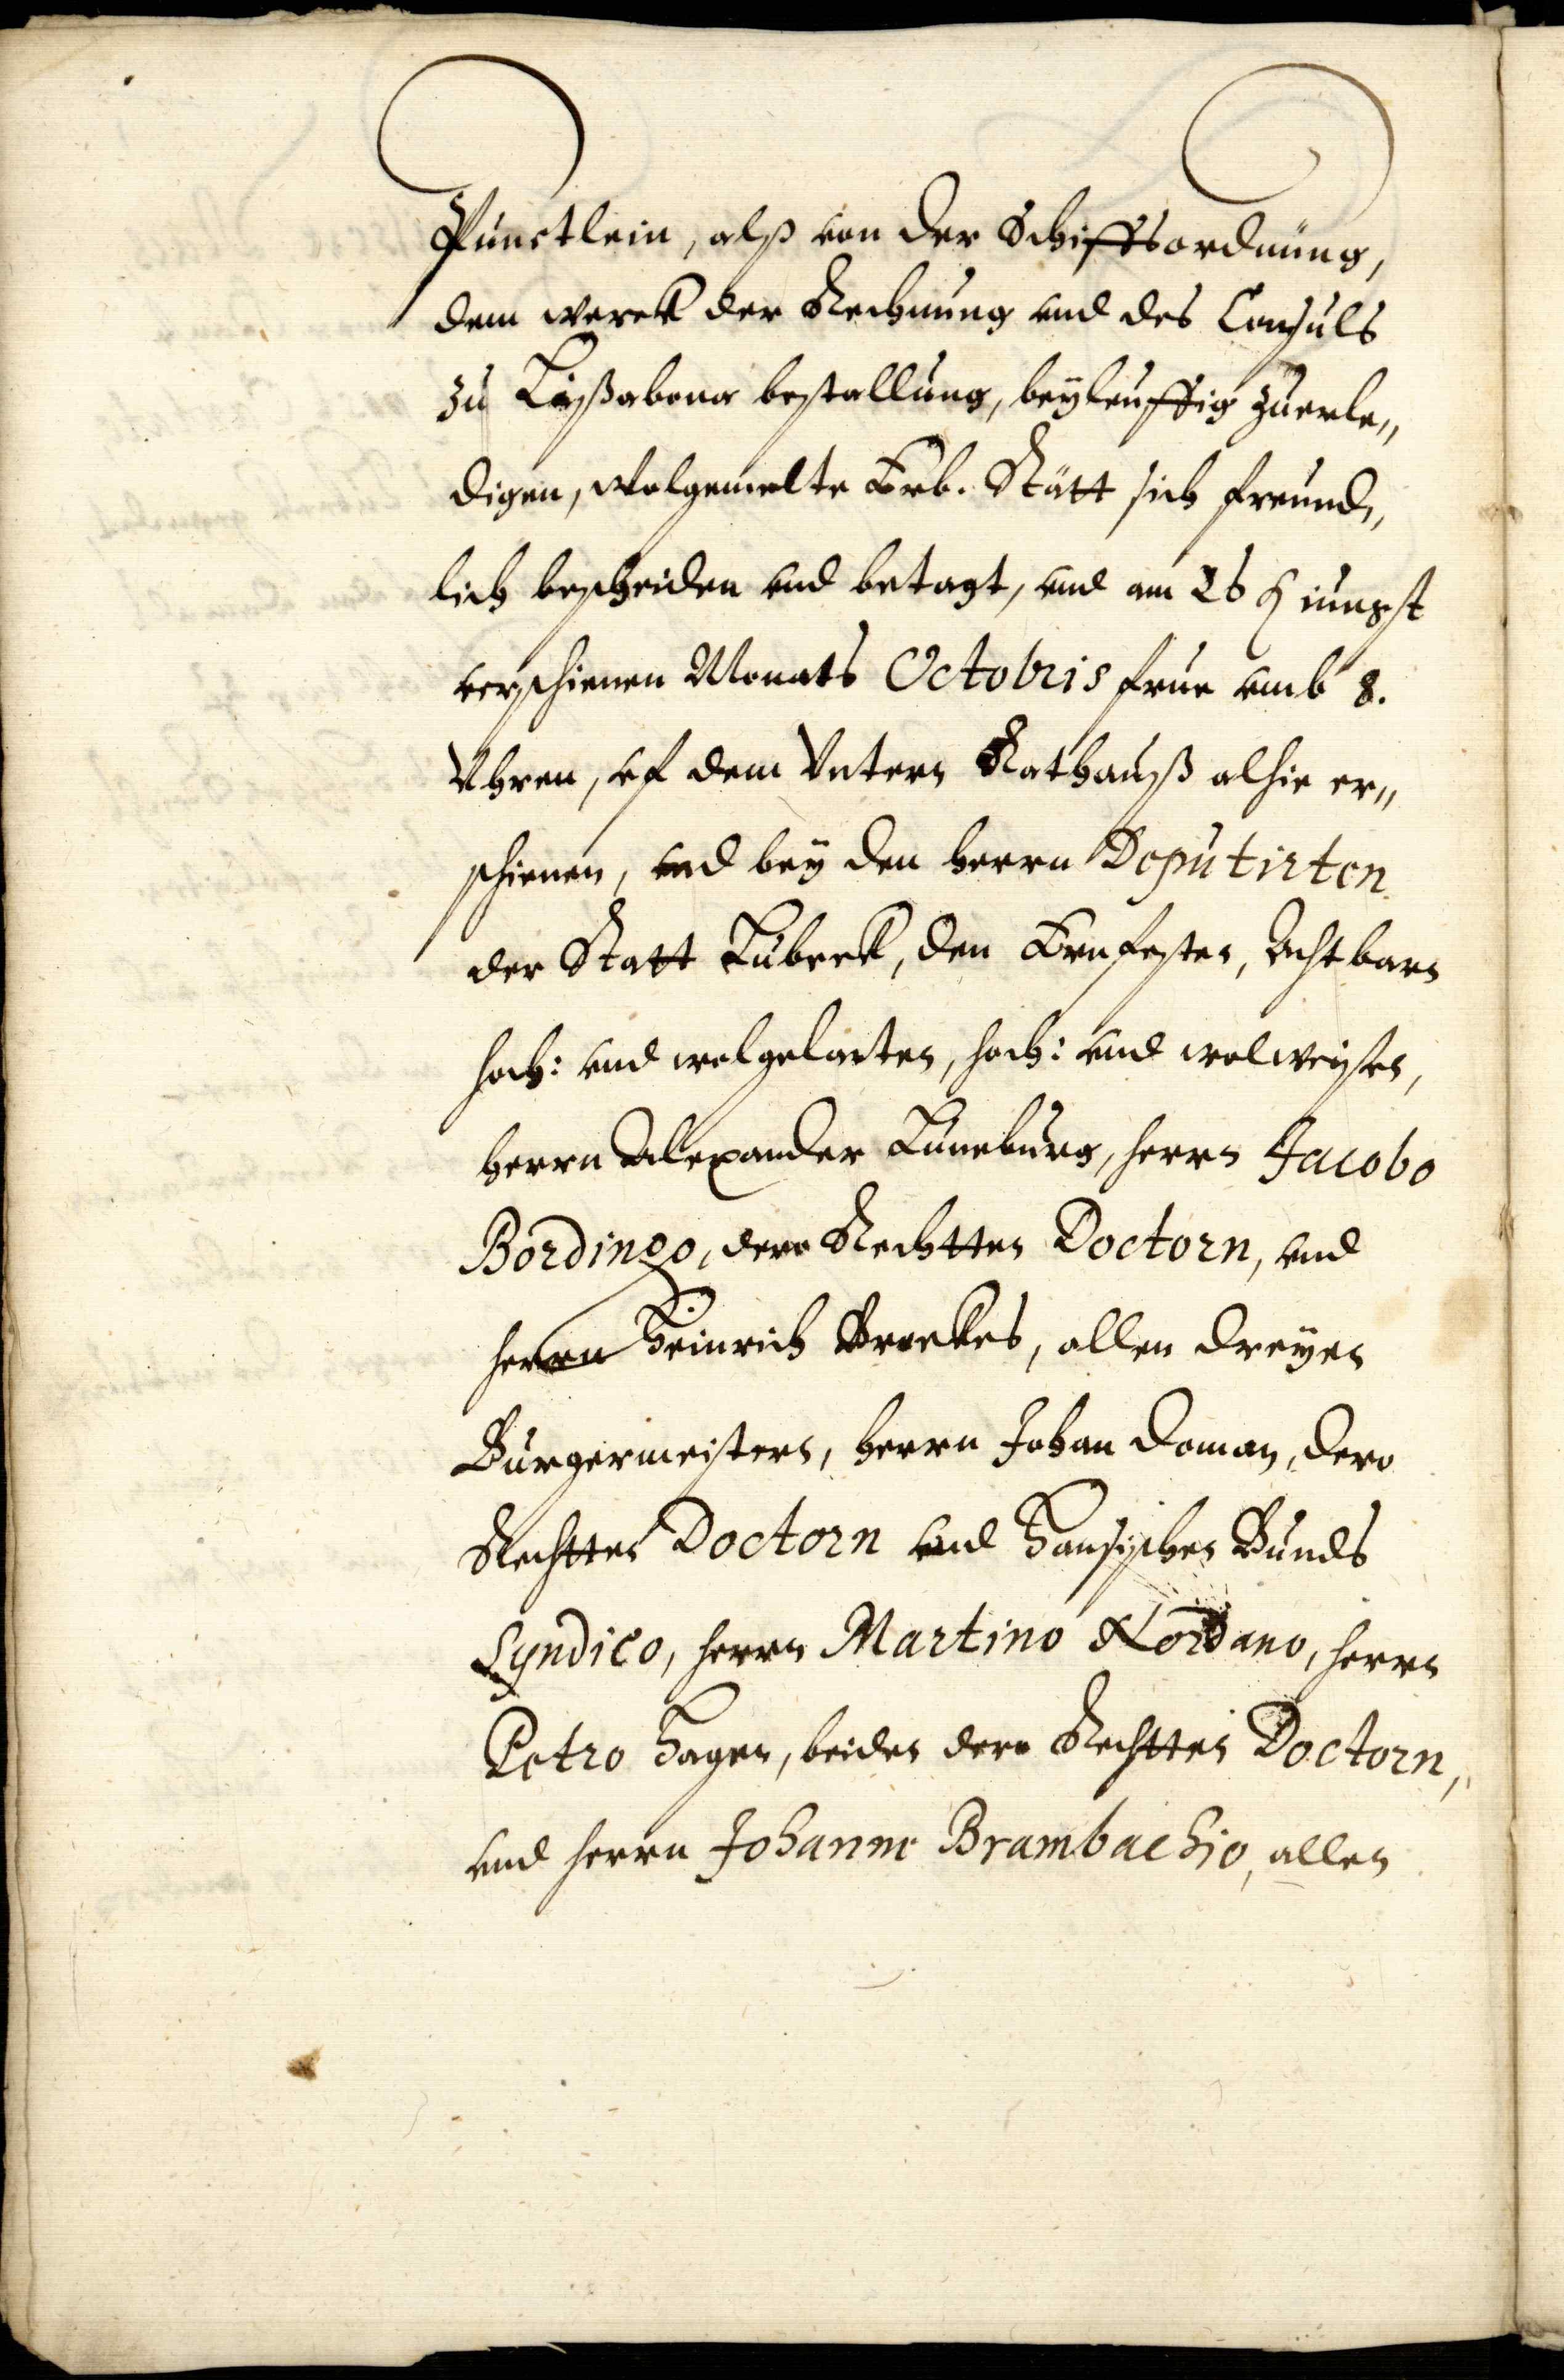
Punctlein, alß von der Schiffsordnüng,
dem werck der Rechnung vnd des Consuls
zu Lißabona bestallung, beijleuffig zuerle¬
digen, wolgemelte Erb: Stätt sich freund¬
lich bescheiden vnd betagt, vnd am 26ten iungst
verschienen Monats Octobris frue vmb 8.
Vhren, vf dem Vntern Rathauß alhie er¬
schienen, vnd beij den herrn Deputirten
der Statt Lubeck, den Ernfesten, Achtbarn
hoch: vnd wolgelarten, hoch: vnd wolweisen,
herrn Alexander Luneburg, herrn Jacobo
Bordingo, dero Rechtten Doctorn, vnd
herrn Heinrich Broekes, allen dreijen
Burgermeistern, Herrn Johan Doman, dero
Rechtten Doctorn vnd Hansischen Bunds
Syndico, herrn Martino Nordano, herrn
Petro Hagen, beiden dero Rechtten Doctorn,
vnd herrn Iohanne Brambaesio, allen
